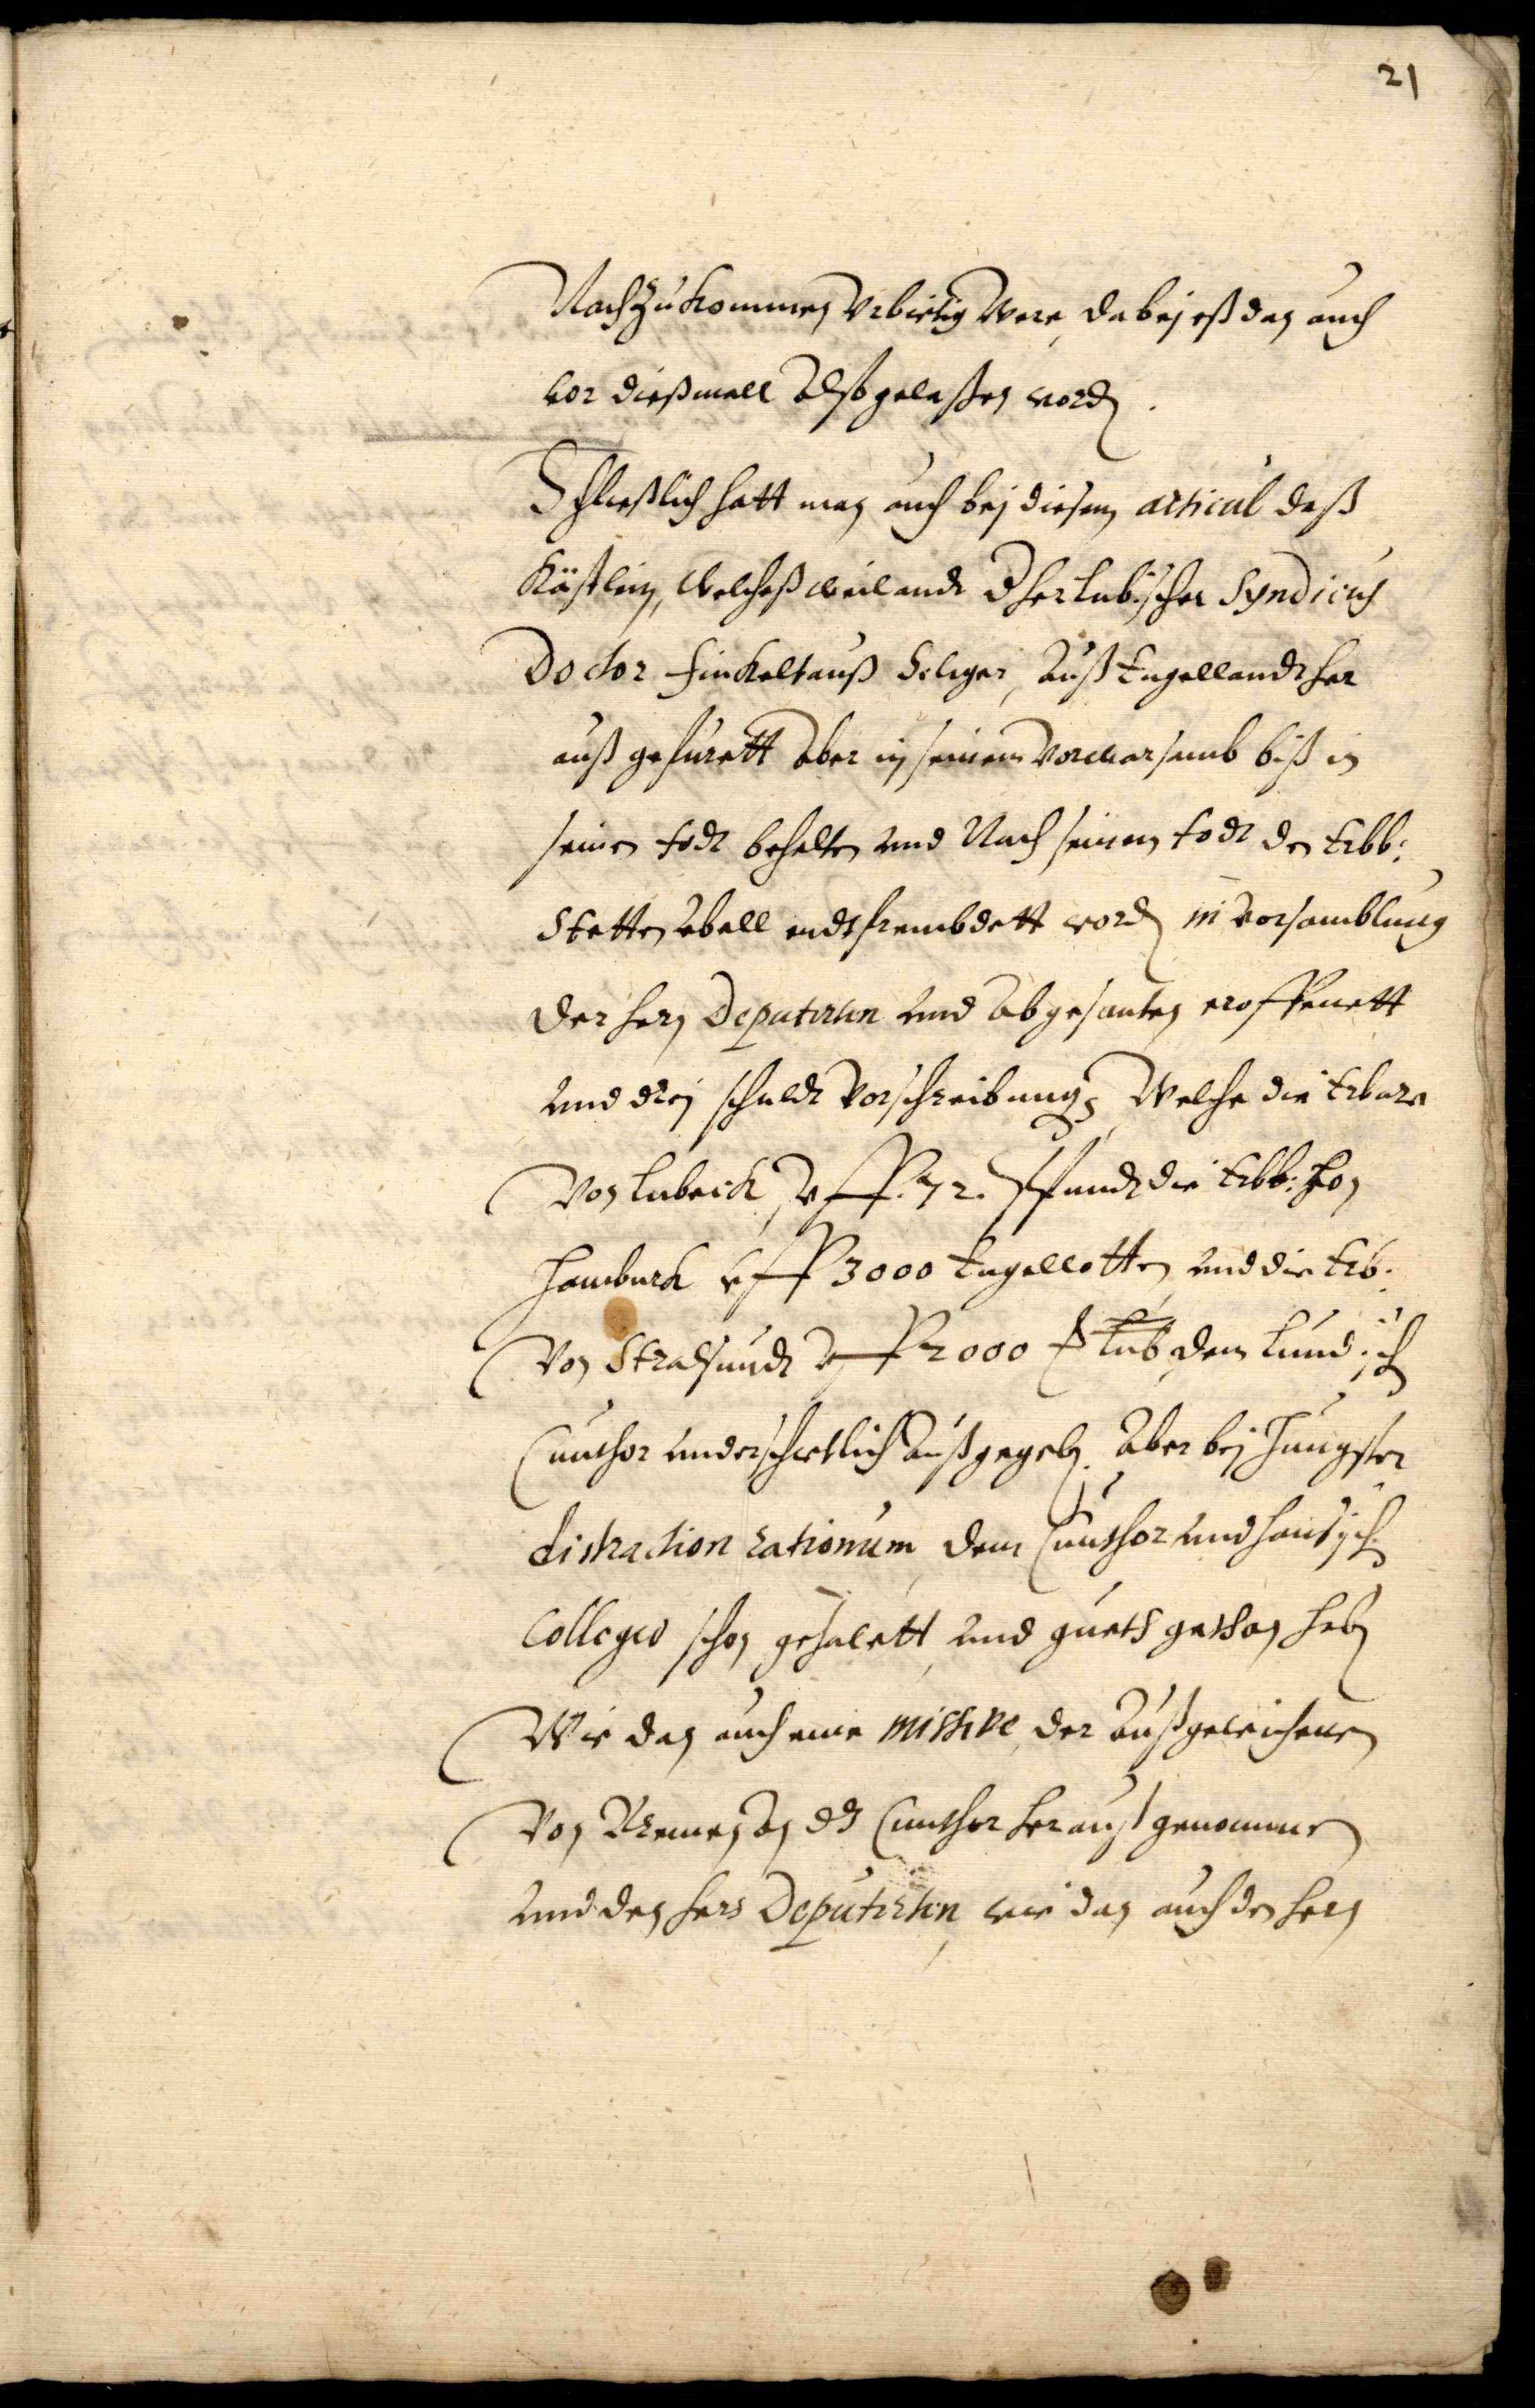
21
Nachzukommen vrbietig were, dabej eß dan auch
vor dießmall Also gelaßen worden.
Schließlich hatt man auch bei diesem articul daß
Kästlein, welcheß theil auch der her Lubischer Syndicus
Doctor Finkeltauß Seliger, auß Engellandt her
auß gefurett Aber in seinem Vorwarsamb biß in
seinen todt behalten vnd Nach seinen todt den Erbb:
Stetten vbell endtfrembdett worden in vorsamblung
der hern Deputirten vnnd Abgesanten eroffenett
vnd drej schuldt Vorschreibungen, Welche die Erbarn
Von Lubeck, vff 72 Pfundt die Erbb: von
Hamburk vff 3000 Engellotten vnd die Erb:
von Stralsundt vff 2000 ß Lub dem Lundischen
Cunthor vnderschietlich Außgegeben, Aber bej Jungster
distraction rationum dem Cunthor und hansischen
Collegio schon gezalett vnd gueth gethan heben
Wie dan auch eine missive der außgetrichenen
Von Bremen an das Cunthor herauß genommen,
vnd den hern Deputirten wie dan auch den hern
